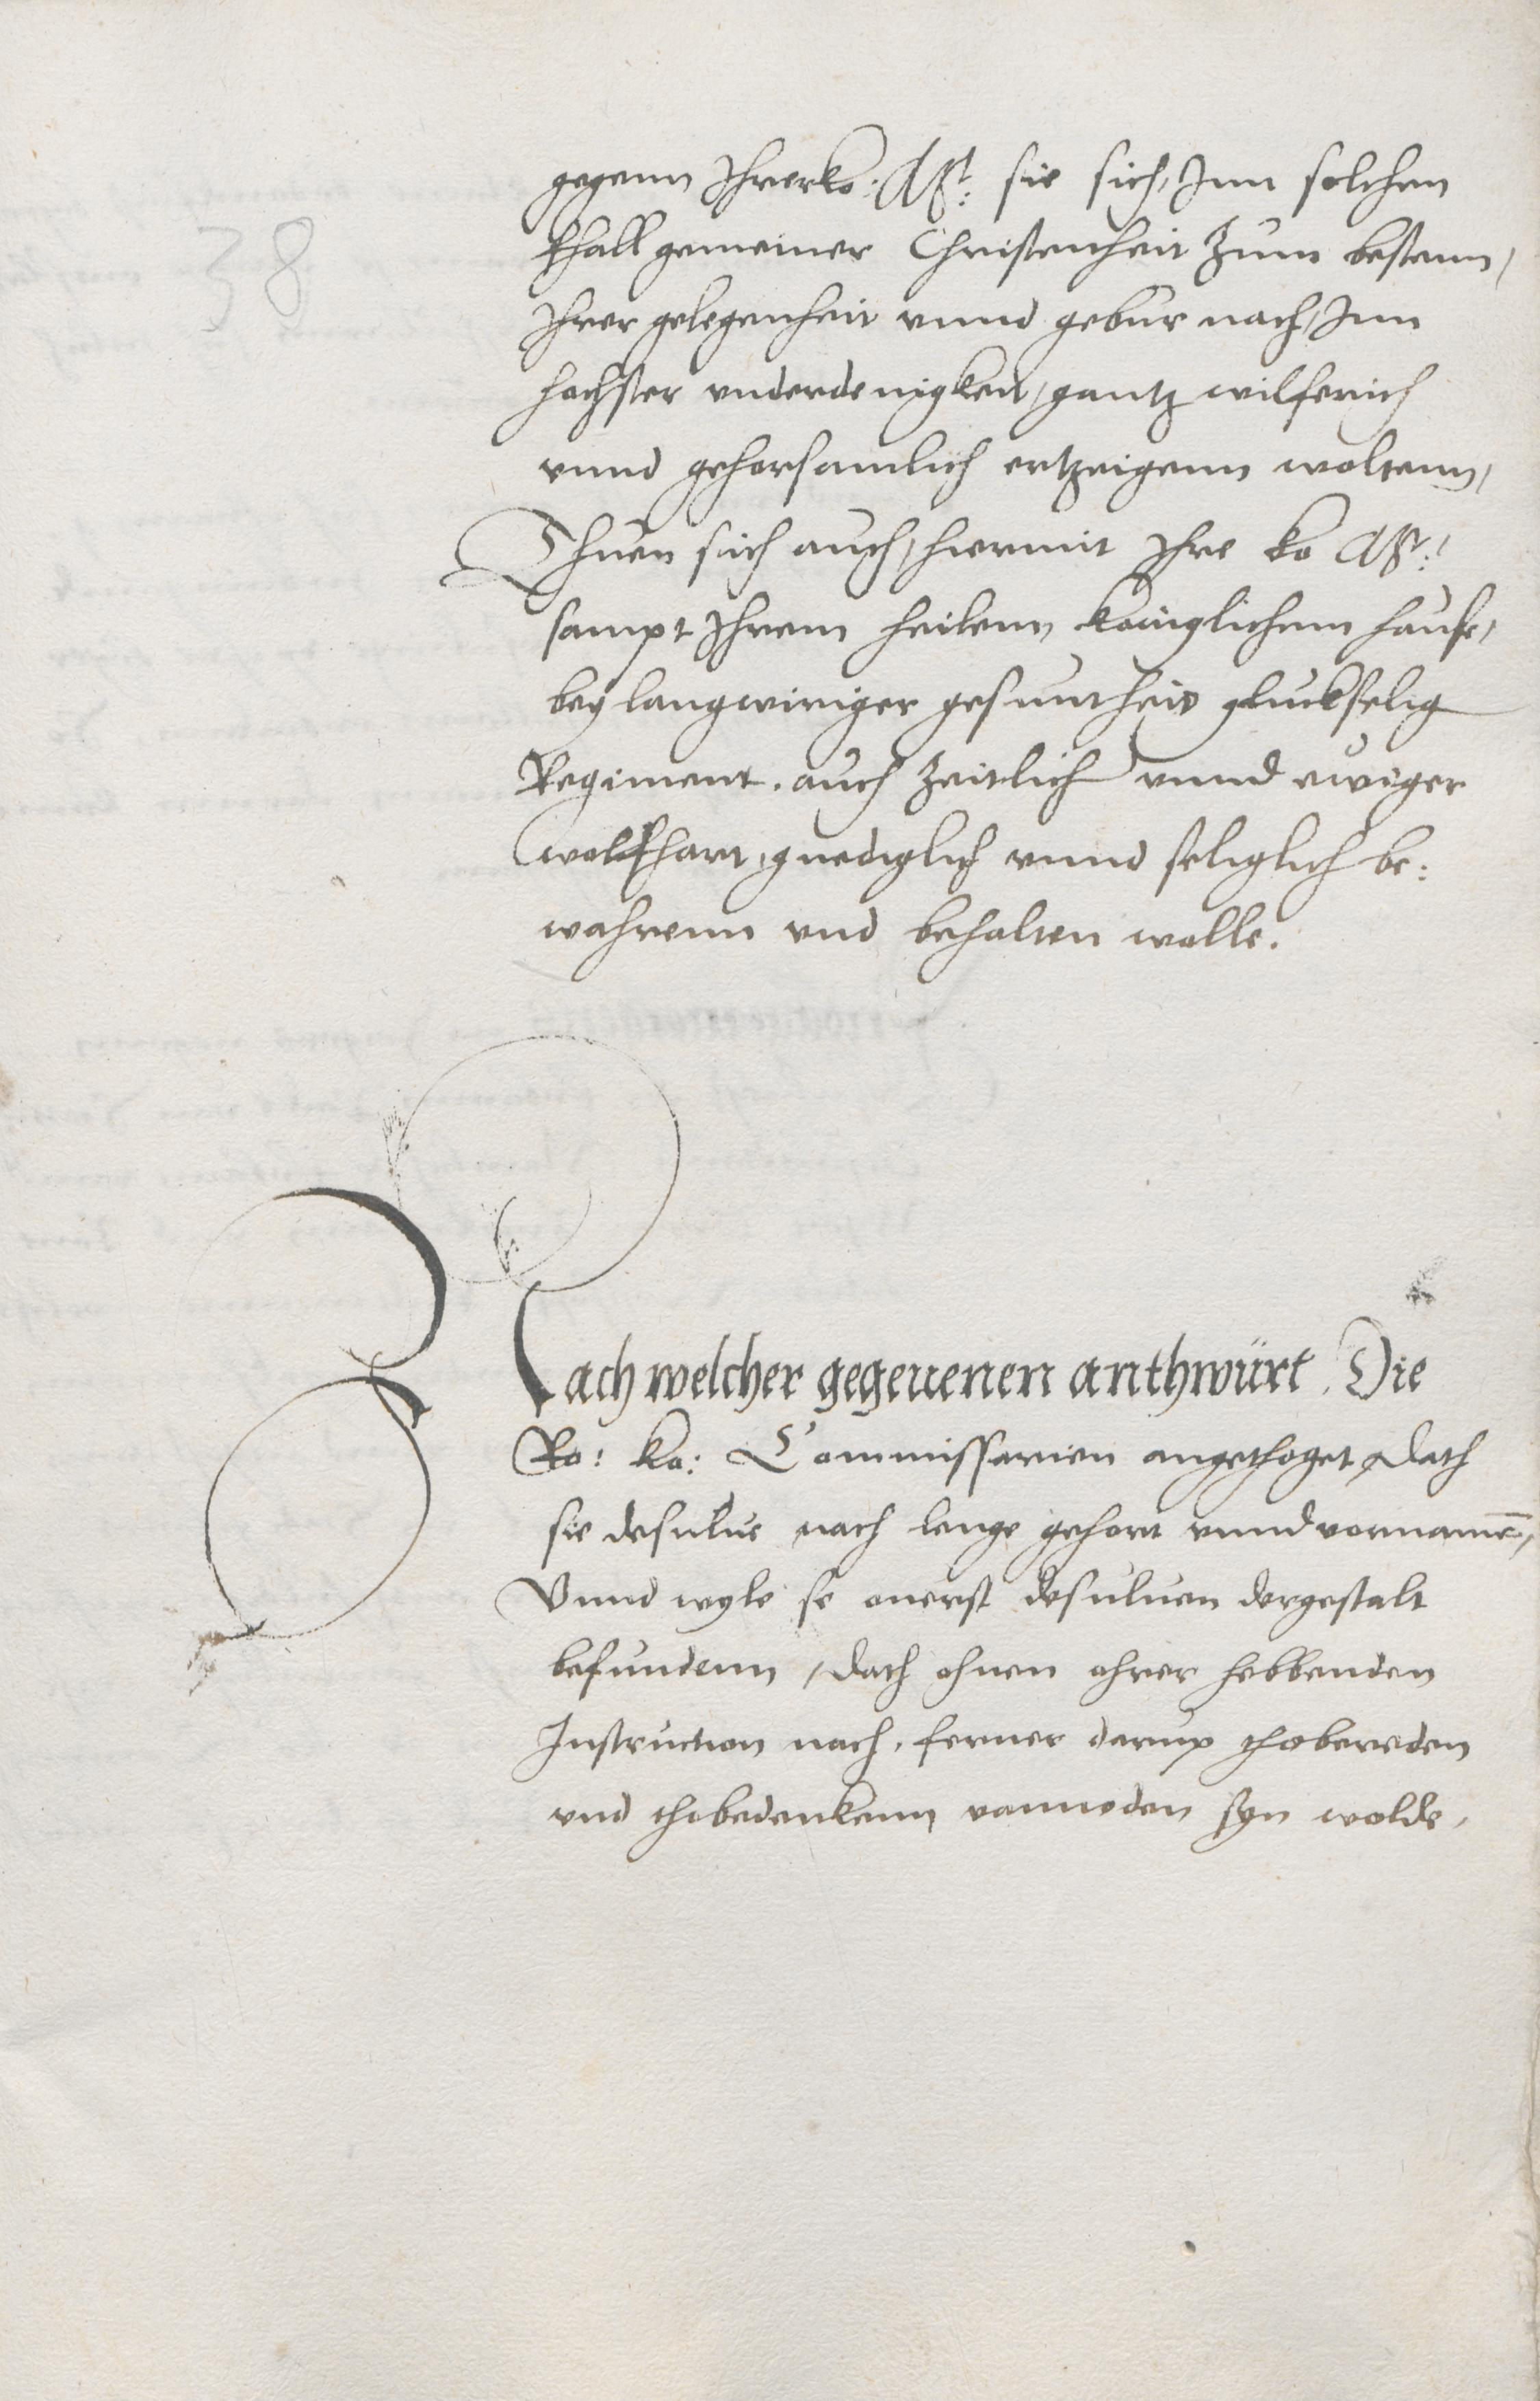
gegenn Jhrer Ko: Mt: sie sich, Jnn solchen
fhall gemeiner Christenheit zum bestenn,
Jhrer gelegenheit vnnd gebur nach, Jnn
hochster vnderdenigkeit, gantz wilferich
vnnd gehorsamlich ertzeigenn woltenn,
Thuen sich auch, hiermit Jhre Ko: Mt:,
sampt Jhrem heilenn koniglichenn hause,
bey langwiriger gesuntheit gluckseligen
Regiment, auch zeitlicher vnnd ewiger
wolfhart, gnediglich vnnd seliglich be¬
wahrenn vnd behalten wolle.
Nach welcher gegeuenen anthwurt, Die
Ro: Ko: Commissarien angethoget, dath
sie desulue nach lenge gehort vnnd vornamen,
Vnnd wyle se ouerst desuluen dergestalt
befundenn, dath ohnen ohrer hebbenden
Jnstruction nach, ferner darup thobereden
vnd thobedenkenn vannoden syn wolde,
